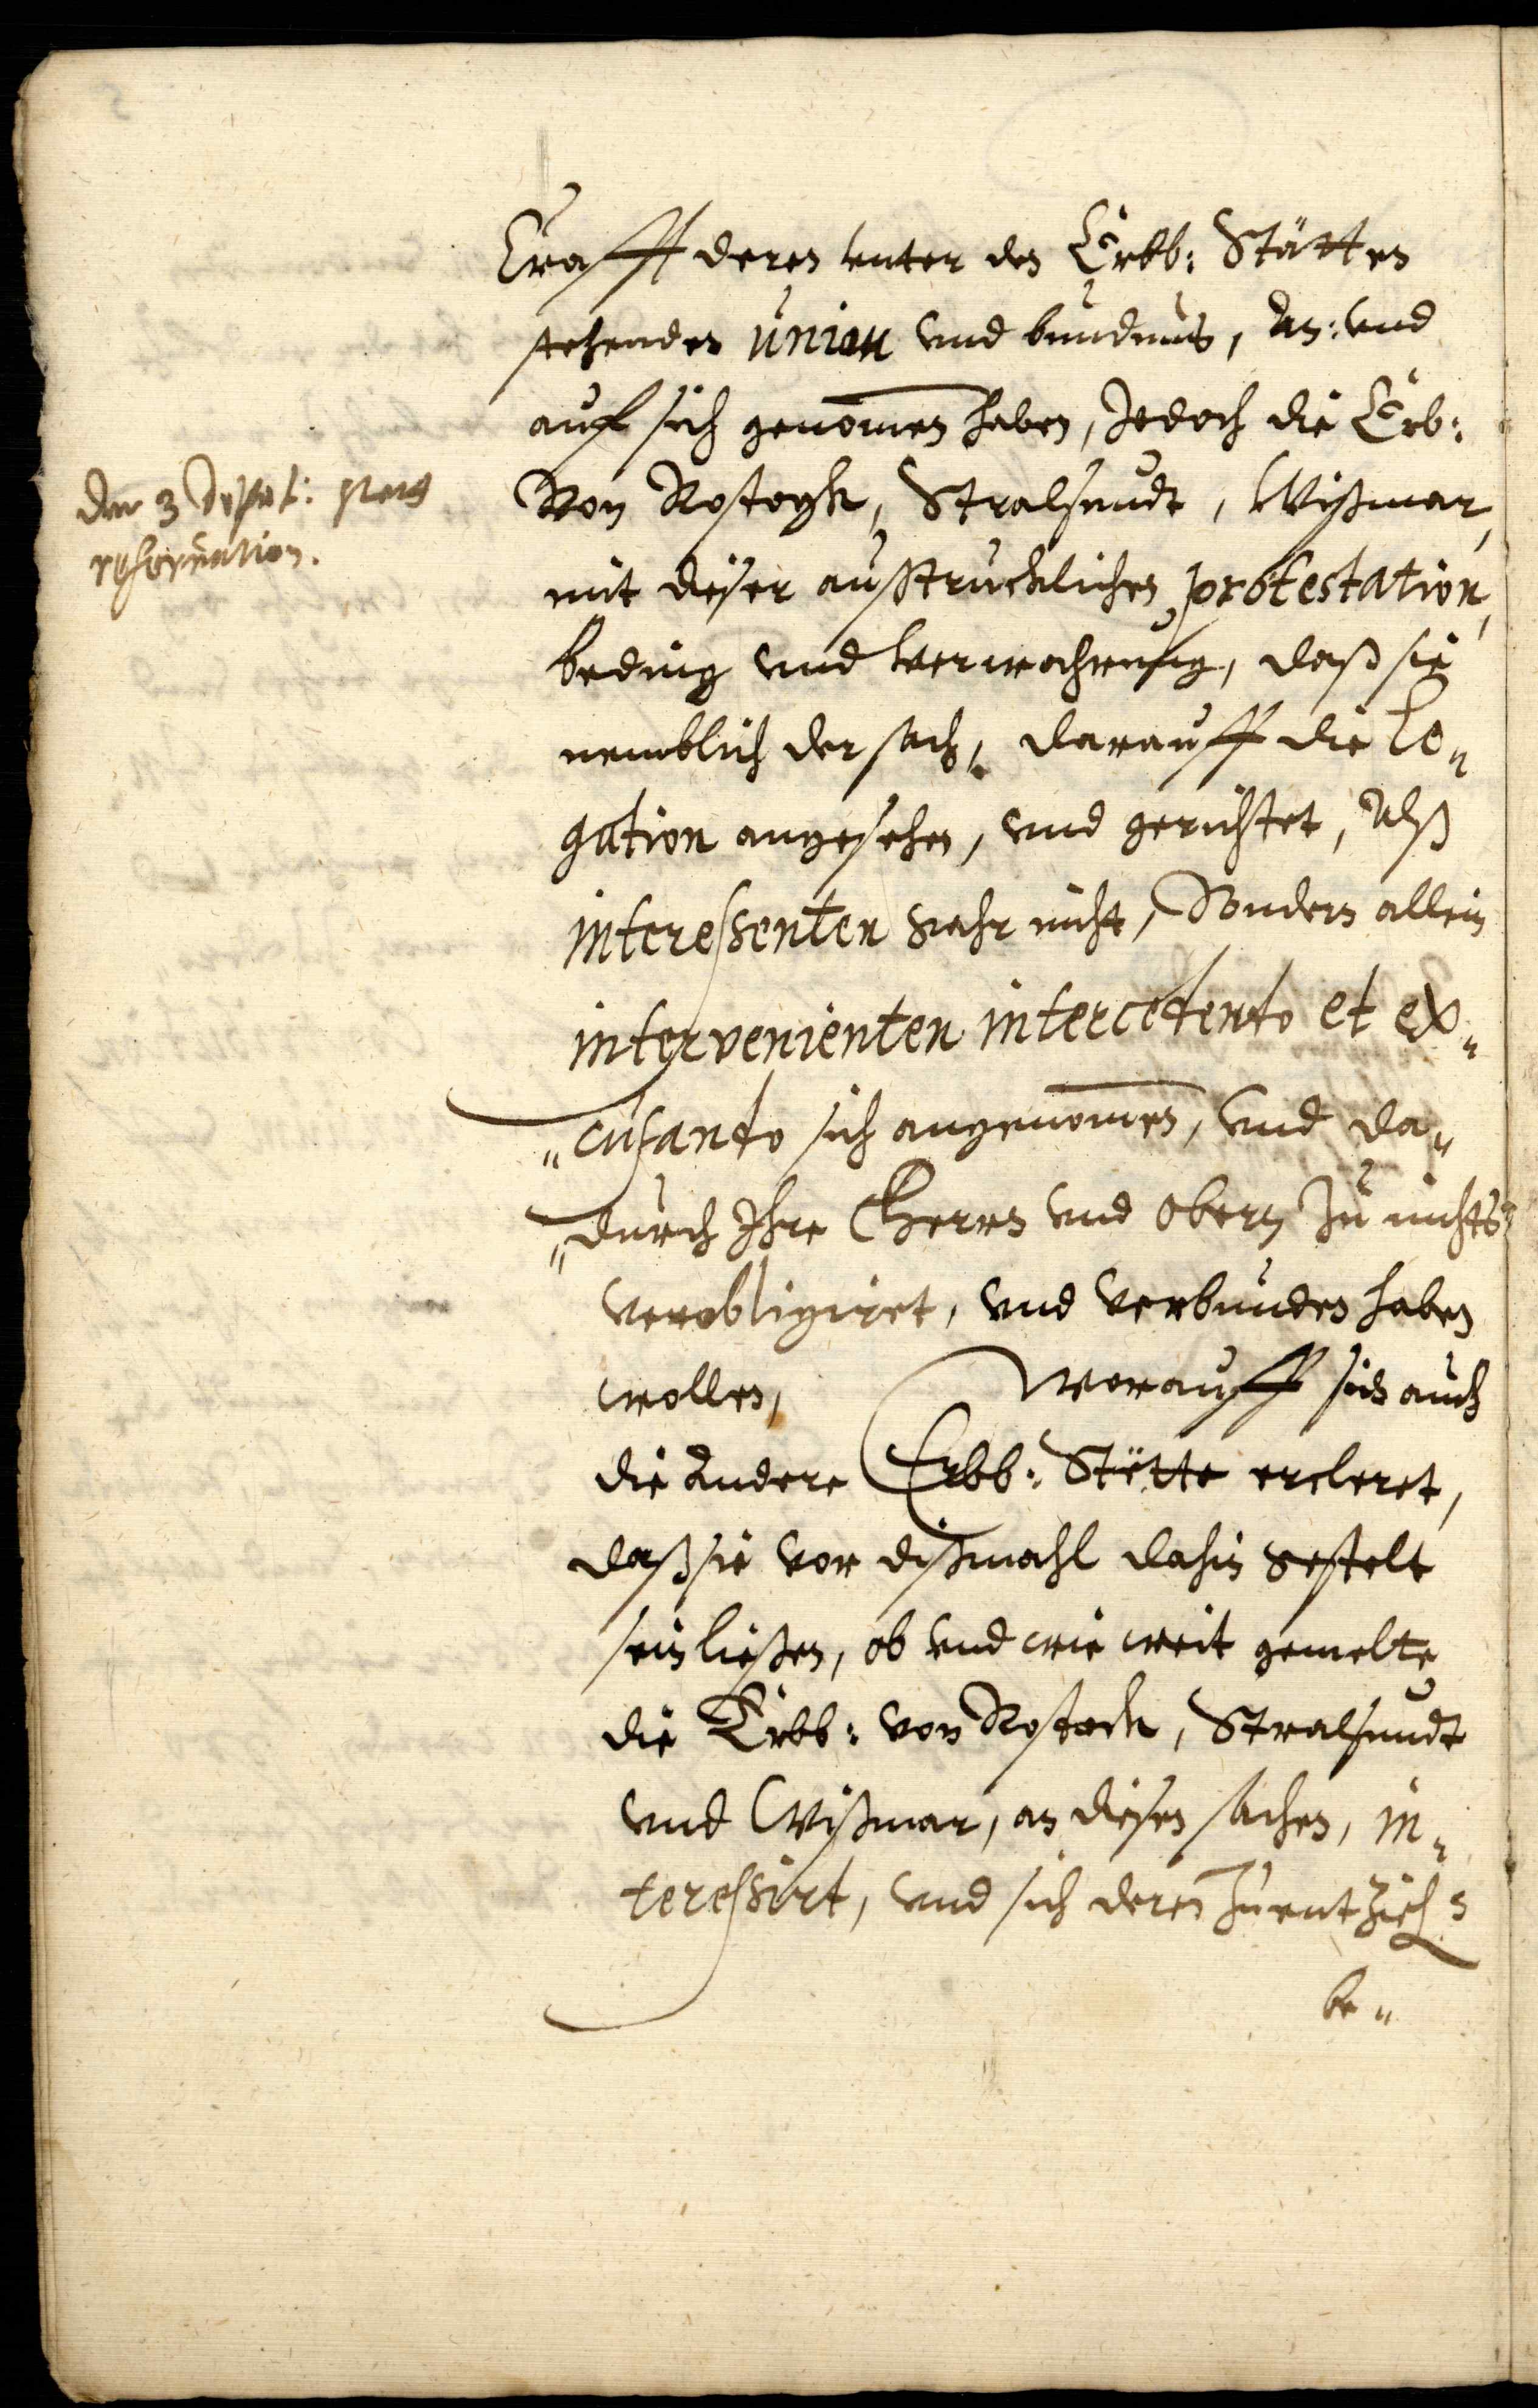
der 3 deput: stett
reseruation.
Crafft deren vnter den Erbb: Stätten
stehenden union vnd bundnus, an: vnd
auf sich genommen haben, jedoch die Erb:
von Rostogk, Stralsundt, Wißmar,
mit dieser austrucklichen protestation,
beding vnd verwahrung, daß sie
nemblich der sach, darauff die Le¬
gation angesehen, vnd gerichtet, Alß
interessenten gahr nicht, Sondern allein
intervenienten intercedendo et ex¬
cusando sich angenommen, vnd da¬
durch Ihre Herrn vnd obern zu nichts
verobligiret, vnd verbunden haben
wollen, Worauff sich auch
die Andere Erbb: Stätte ercleret,
daß sie vor dißmahl dahin gestelt
sein ließen, ob vnd wie weit gemelte
die Erbb: von Rostock, Stralsundt
vnd Wißmar, an diesen sachen, in¬
teressirt, vnd sich deren zu entziehen
be¬
